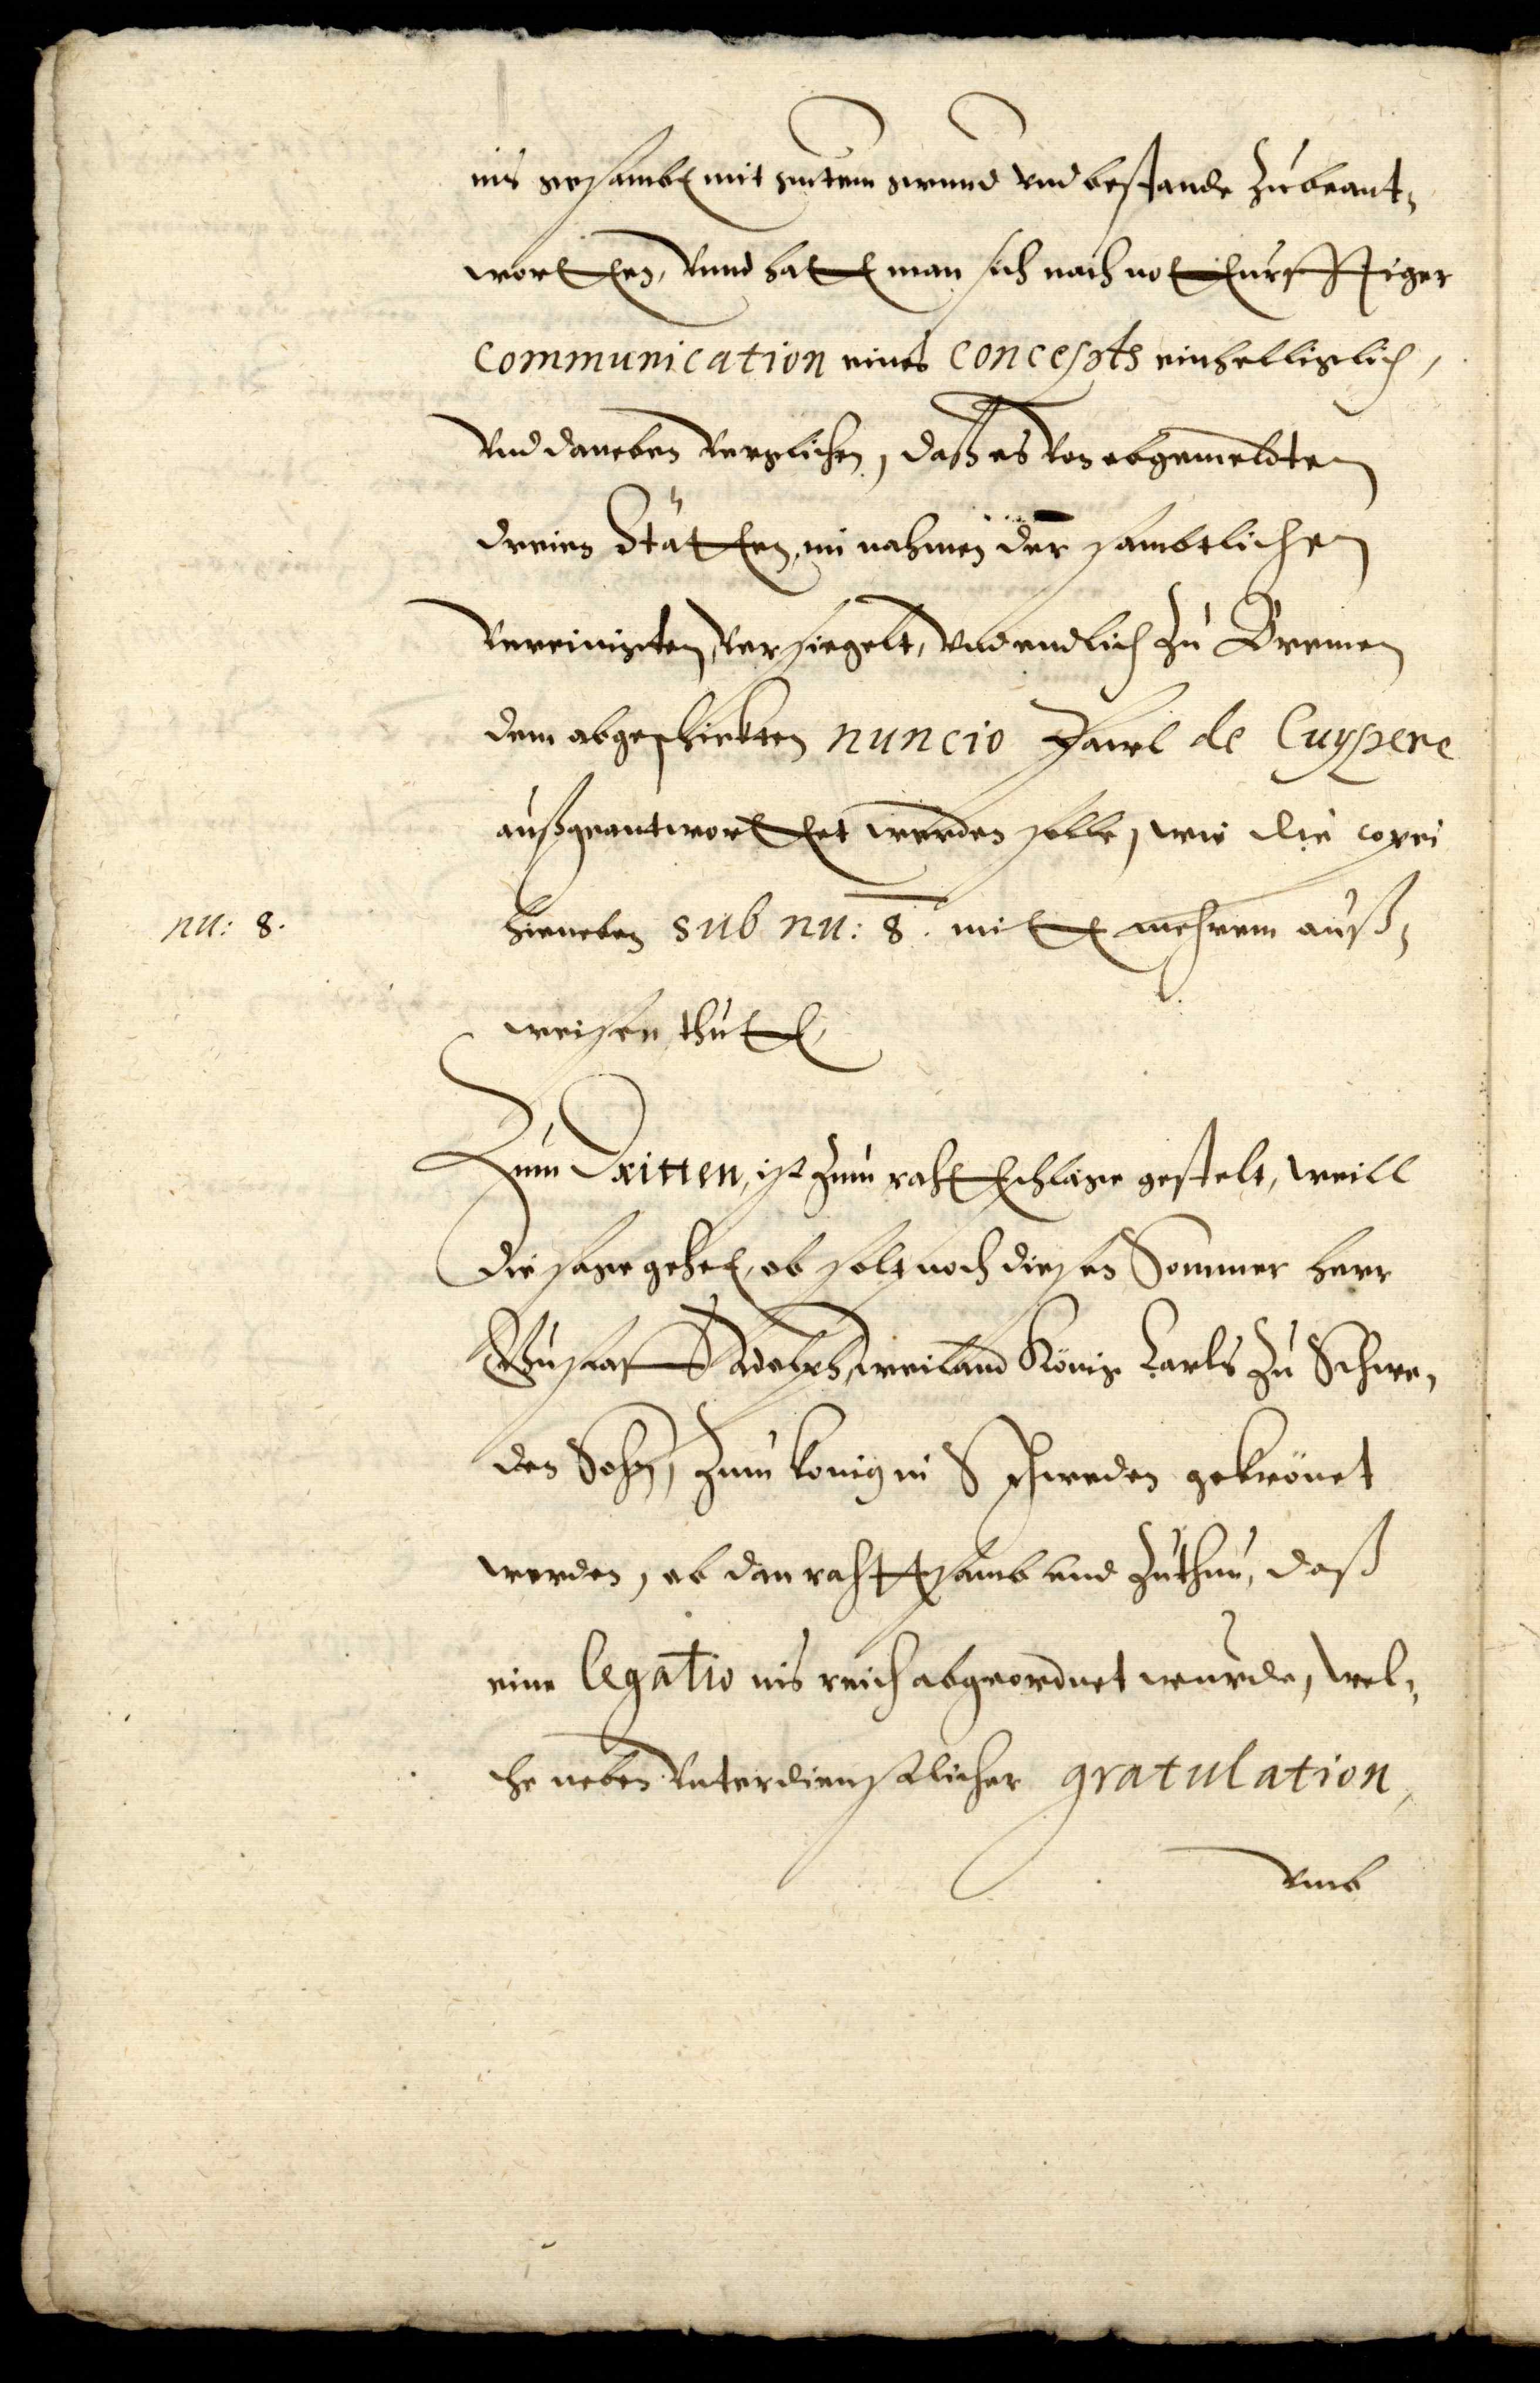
ins gesambt mit gutem grund vnd bestande zubeant¬
wortten, vnnd hatt man sich nach notturffiger
communication eines concepts einhelliglich,
vnd daneben verglichen, daß es was obgemeldten
dreien Stätten, im nahmen der sambtlichen
vereinigten, versiegelt, vnd endllich zu Bremen
dem abgeschickten nuncio Pawl de Cuypere
außgeantworttet werden solle, wie die copei
hieneben sub nu: 8. mitt mehrem auß¬
weißen thutt.
Zum Dritten, ist zum rahttschlage gestelt, weill
die sage gehet, ob solt noch diesen Sommer herr
Gustaff Adolph, weiland König Carls zu Schwe¬
den Sohn, zum Konig in Schweden gekrönet
werden, ob dan rahttsamb vnd zuthun, daß
eine legatio ins reich abgeordnet werde, wel¬
che neben vnterdienstlicher gratulation,
vmb
nu: 8.
